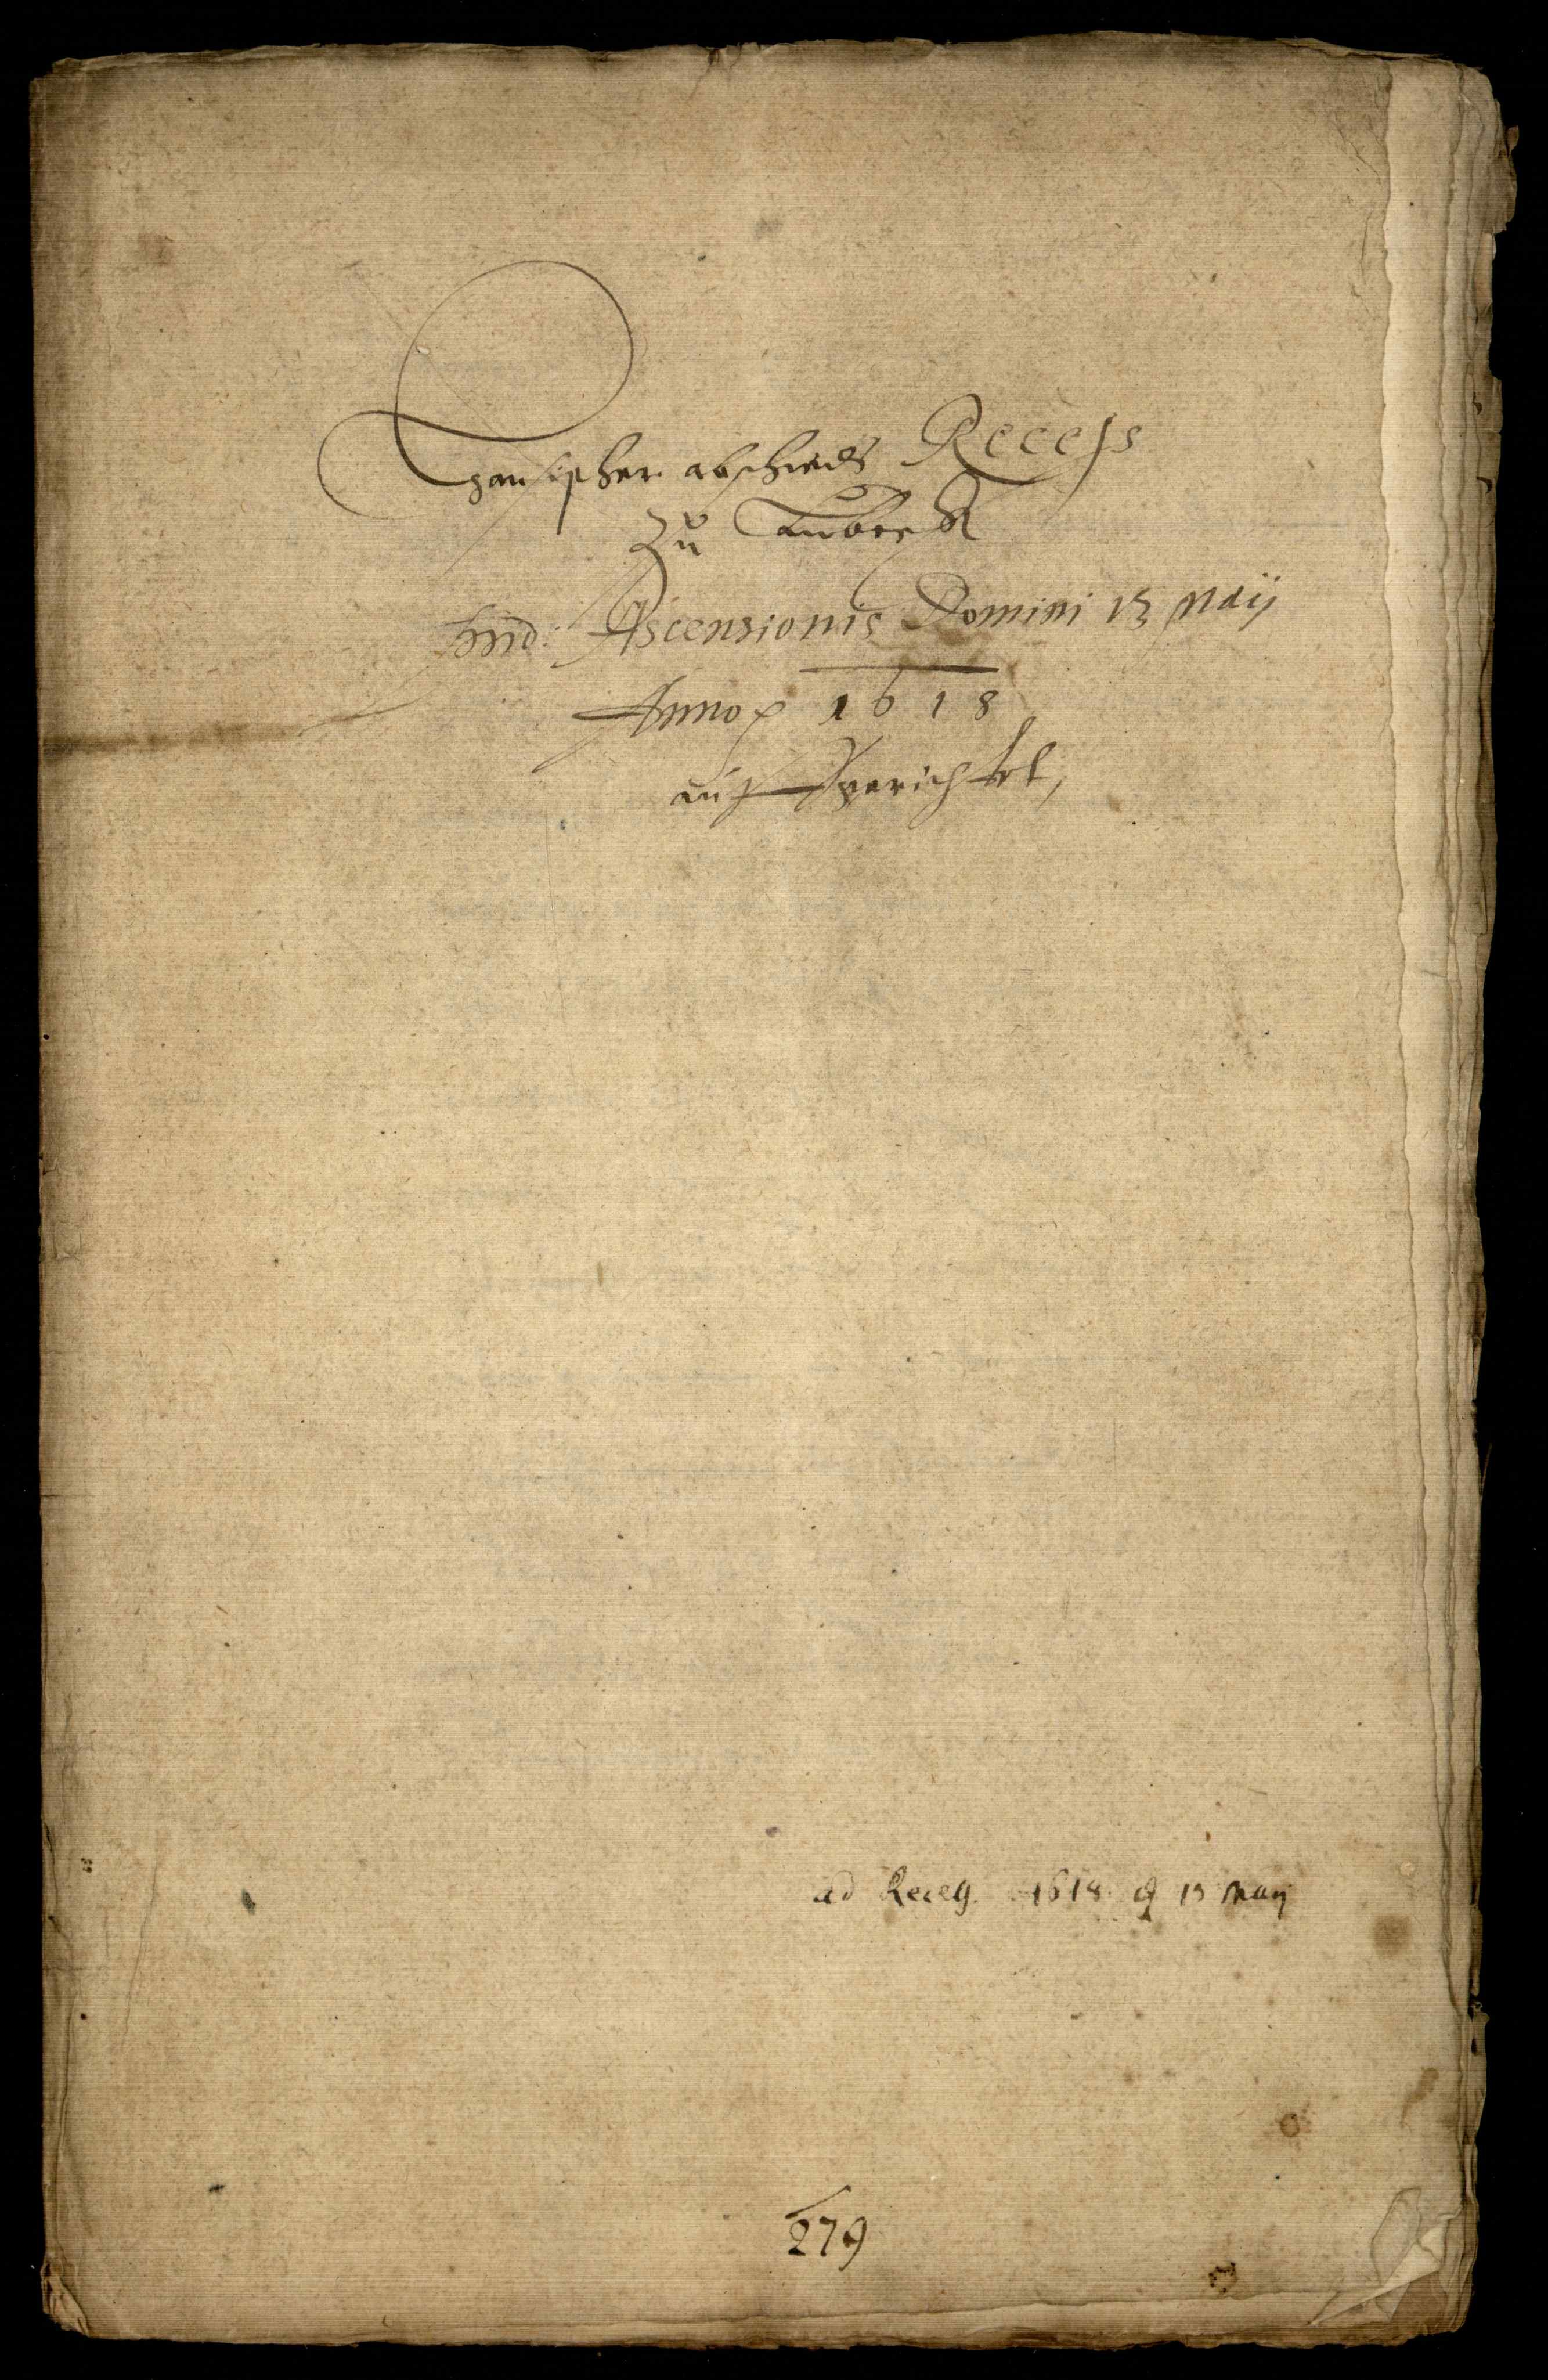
hansischer abschieds Recess
zu Lubeck
hnd: Ascensionis Domini 13 Maij
Anno p 1618
auffgerichtet,
ad Recess 1618 dt 13 Maij
279
